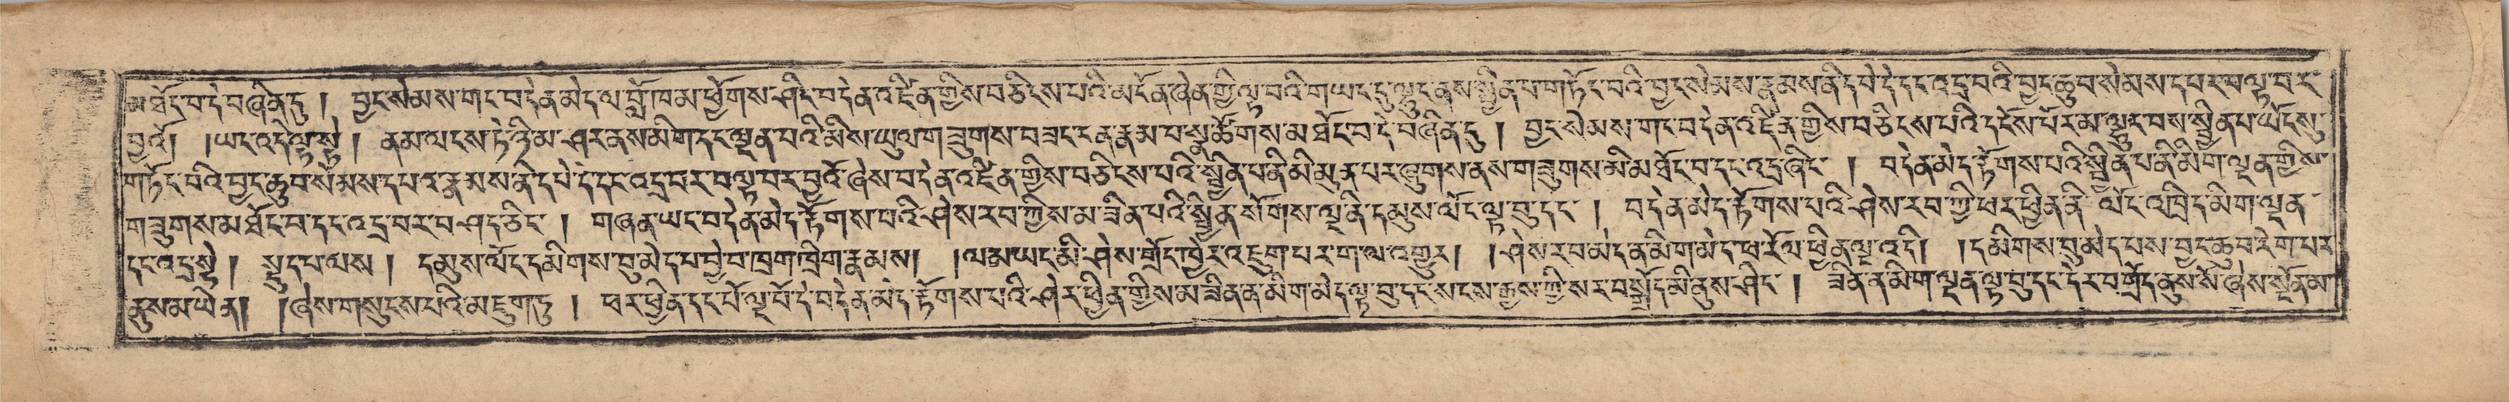མཐོང་བ་དེ་བཞིན་དུ། བྱང་སེམས་གང་བདེན་མེད་ལ་བློ་ཁ་མ་ཕྱོགས་ཤིང་བདེན་འཛིན་གྱིས་བཅིངས་བའི་མངོན་ཞེན་གྱི་ལྟ་བའི་གཡང་དུ་ལྷུང་ནས་སྦྱིན་པ་གཏོང་བའི་བྱང་སེམས་རྣམས་ནི་དཔེ་དེ་དང་འདྲ་བའི་བྱང་ཆུབ་སེམས་དཔར་བལྟ་བར་
བྱའོ། །ཡང་འདི་ལྟ་སྟེ། ནམ་ལངས་ཏེ་ཉི་མ་ཤར་ནས་མིག་དང་ལྡན་པའི་མིས་ཡུལ་གཟུགས་བཟང་ངན་རྣམ་པ་སྣ་ཚོགས་མཐོང་བ་དེ་བཞིན་དུ། བྱང་སེམས་གང་བདེན་འཛིན་གྱིས་བཅིངས་པའི་དངོས་པོར་མ་ལྷུང་བས་སྦྱིན་པ་ཡོངས་སུ་
གཏོང་བའི་བྱང་ཆུབ་སེམས་དཔའ་རྣམས་ནི་དཔེ་དེ་དང་འདྲ་བར་བལྟ་བར་བྱའོ་ཞེས་བདེན་འཛིན་གྱིས་བཅིངས་པའི་སྦྱིན་པ་ནི་མི་མུན་པར་ཞུགས་ནས་གཟུགས་མི་མཐོང་བ་དང་འདྲ་ཞིང་། བདེན་མེད་རྟོགས་པའི་སྦྱིན་པ་ནི་མིག་ལྡན་གྱིས་
གཟུགས་མཐོང་བ་དང་འདྲ་བར་བཤད་ཅིང་། གཞན་ཡང་བདེན་མེད་རྟོགས་པའི་ཤེས་རབ་ཀྱིས་མ་ཟིན་པའི་སྦྱིན་སོགས་ལྔ་ནི་དམུས་ལོང་ལྟ་བུ་དང་། བདེན་མེད་རྟོགས་པའི་ཤེས་རབ་ཀྱི་ཕར་ཕྱིན་ནི་ལོང་འཁྲིད་མིག་ལྡན་
དང་འདྲ་སྟེ། སྡུད་པ་ལས། དམུས་ལོང་དམིགས་བུ་མེད་པ་བྱེ་བ་ཁྲག་ཁྲིག་རྣམས། །ལམ་ཡང་མི་ཤེས་གྲོང་ཁྱེར་འཇུག་པར་ག་ལ་འགྱུར། །ཤེས་རབ་མེད་ན་མིག་མེད་ཕ་རོལ་ཕྱིན་ལྔ་འདི། །དམིགས་བུ་མེད་པས་བྱང་ཆུབ་རེག་པར་
ནུས་མ་ཡིན། །ཞེས་གསུངས་པའི་མཇུག་ཏུ། ཕར་ཕྱིན་དང་པོ་ལྔ་པོ་དེ་བདེན་མེད་རྟོགས་པའི་ཤེར་ཕྱིན་གྱིས་མ་ཟིན་ན་མིག་མེད་ལྟ་བུ་དང་སངས་རྒྱས་ཀྱི་སར་བསྒྲོད་མི་ནུས་ཤིང་། ཟིན་ན་མིག་ལྡན་ལྟ་བུ་དང་དེར་བགྲོད་ནུས་སོ་ཞེས་སྔོན་མ་